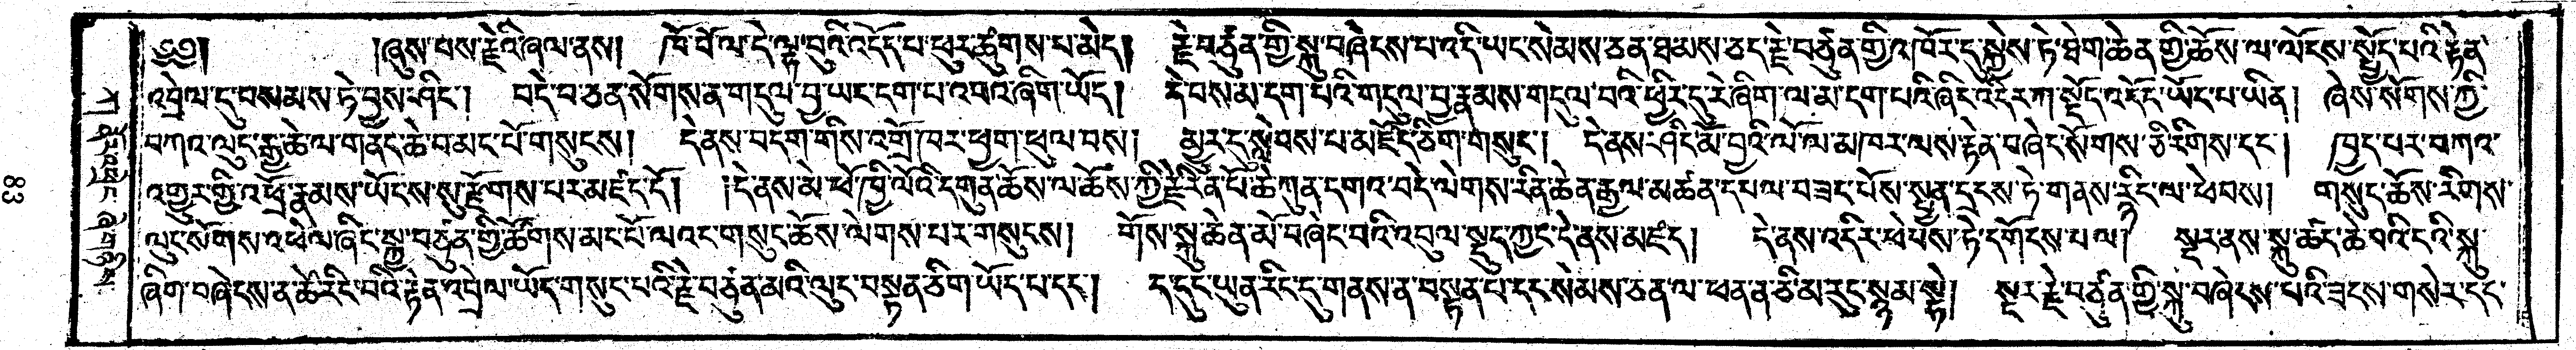༄༅། །ཞུས་པས་རྗེའི་ཞལ་ནས། ཁོ་བོ་ལ་དེ་ལྟ་བུའི་འདོད་པ་ཕུར་ཚུགས་པ་མེད། རྗེ་བཙུན་གྱི་སྐུ་བཞེངས་པ་འདི་ཡང་སེམས་ཅན་ཐམས་ཅད་རྗེ་བཙུན་གྱི་འཁོར་དུ་སྐྱེས་ཏེ་ཐེག་ཆེན་གྱི་ཆོས་ལ་ལོངས་སྤྱོད་པའི་རྟེན་
འབྲེལ་དུ་བསམས་ཏེ་བྱས་ཤིང་། བདེ་བ་ཅན་སོགས་ན་གདུལ་བྱ་ཡང་དག་པ་འབའ་ཞིག་ཡོད། དེ་བསམ་དག་པའི་གདུལ་བྱ་རྣམས་གདུལ་བའི་ཕྱིར་དུ་རེ་ཞིག་ལ་མ་དག་པའི་ཞིང་འདིར་ཀ་སྡོད་འདོང་ཡོང་པ་ཡིན། ཞེས་སོགས་ཀྱི་
བཀའ་ལུང་རྒྱ་ཆེ་ལ་གནད་ཆེ་བ་མང་པོ་གསུངས། དེ་ནས་བདག་གིས་འགྲོ་ཁར་ཕྱག་ཕུལ་བས། མྱུར་དུ་སླེབས་པ་མཛོད་ཅིག་གསུང་། དེ་ནས་ཤིང་མོ་བྱའི་ལོ་ལ་མཁར་ལས་རྟེན་བཞེང་སོགས་ཅི་རིགས་དང་། ཁྱད་པར་བཀའ་
འགྱུར་གྱི་འཕྲོ་རྣམས་ཡོངས་སུ་རྫོགས་པར་མཛད་དོ། །དེ་ནས་མེ་ཕོ་ཁྱི་ལོའི་དགུན་ཆོས་ལ་ཆོས་ཀྱི་རྗེ་རིན་པོ་ཆེ་ཀུན་དགའ་བདེ་ལེགས་རིན་ཆེན་རྒྱལ་མཚན་དཔལ་བཟང་པོས་སྤྱན་དྲངས་ཏེ་གནས་རྙིང་ལ་ཕེབས། གསུང་ཆོས་རིགས་
ལུང་སོགས་འཕེལ་ཞིང་སྐྱ་བཙུན་གྱི་ཚོགས་མང་པོ་ལའང་གསུང་ཆོས་ལེགས་པར་གསུངས། གོས་སྐུ་ཆེན་མོ་བཞེང་བའི་འབུལ་སྡུད་ཀྱང་དེ་ནས་མཛད། དེ་ནས་འདིར་ཕེབས་ཏེ་དགོངས་པ་ལ། སྔར་ནས་སྐུ་ཚང་ཆེ་བའི་ངའི་སྐུ་
ཞིག་བཞེངས་ན་ཚེ་རིང་བའི་རྟེན་འབྲེལ་ཡོད་གསུང་པའི་རྗེ་བཙུན་མའི་ལུང་བསྟན་ཅིག་ཡོད་པ་དང་། ད་དུང་ཡུན་རིང་དུ་གནས་ན་བསྟན་པ་དང་སེམས་ཅན་ལ་ཕན་ན་ཅི་མ་རུང་སྙམ་སྟེ། སྔར་རྗེ་བཙུན་གྱི་སྐུ་བཞེངས་པའི་ཟངས་གསེར་དང་